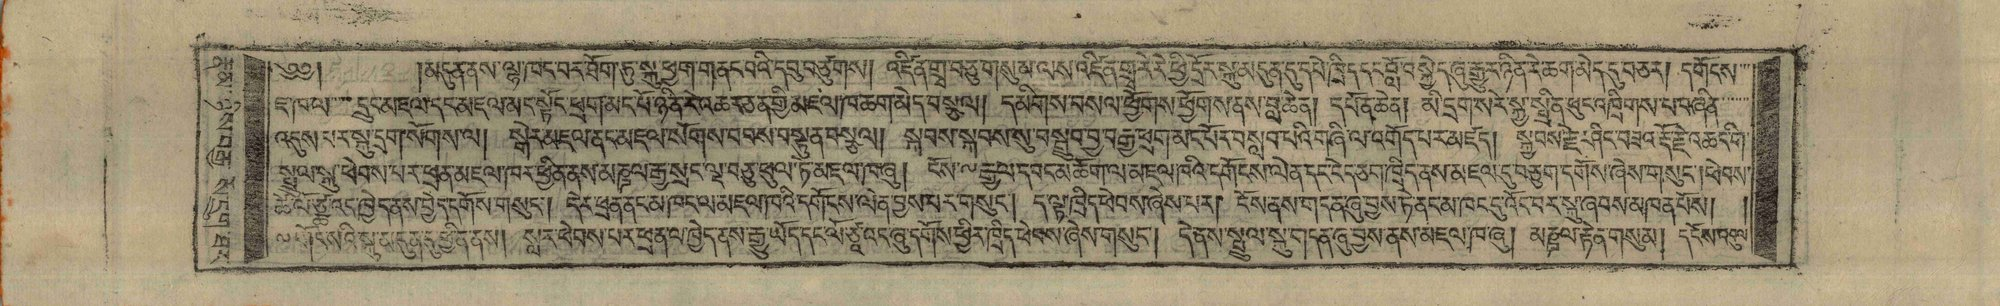༄༅། །མདུན་ནས་ལྷ་ཁང་བར་ཐོག་ཏུ་སྐུ་ཕྱག་གནང་བའི་དབུ་བཙུགས། འཛིན་གྲྭ་བཅུ་གསུམ་ལས་འཛིན་གྲྭ་རེ་རེ་ཕྱི་དྲོར་སྐུ་མདུན་དུ་དཔེ་ཁྲིད་དང་བློ་བསྐྱེད་ཞུ་རྒྱུར་ཉིན་རེ་ཆག་མེད་དུ་བཅར། དགོངས་
ཇ་ཁ་ལ་དྲུང་མཇལ་དང་མཇལ་མང་སྟོང་ཕྲག་མང་པོ་ཉིན་རེ་འཆར་ཅན་གྱི་མཇལ་ཁ་ཆག་མེད་བསྩལ། དམིགས་བསལ་ཕྱོགས་ཕྱོགས་ནས་བླ་ཆེན། དཔོན་ཆེན། མི་དྲག་སེར་སྐྱ་སྤྲིན་ཕུང་འཁྲིགས་པ་བཞིན་
འདུས་པར་སྐུ་དྲག་སོགས་ལ། སྒེར་མཇལ་ནང་མཇལ་སོགས་བབས་བསྟུན་བསྩལ། སྐབས་སྐབས་སུ་བསྒྲུབ་བྱ་བརྒྱ་ཕྲག་མང་པོར་བསླབ་པའི་གཞི་ལ་འགོད་པར་མཛད། སྐྱབས་རྗེ་ཤིང་བཟའ་རྡོ་རྗེ་འཆང་གི་
སྤྲུལ་སྐུ་ཕེབས་པར་ཕྲན་མཇལ་ཁར་ཕྱིན་ནས་མཎྜལ་རྒྱ་སྲང་ལྔ་བཅུ་ཕུལ་ཏེ་མཇལ་ཁ་ཞུ། ངོས་༧རྒྱལ་དབང་མཆོག་ལ་མཇལ་ཁའི་དགོངས་ལེན་དང་ངེད་ཅག་ཁྲིད་ནས་མཇལ་དུ་བཅུག་དགོས་ཞེས་གསུང་། ཕེབས་
ཚེ་ལོ་ཙྪ་འང་ཁྱེད་ནས་བྱེད་དགོས་གསུང་། དེར་ཕྲན་ནང་མ་ཁང་ལ་མཇལ་ཁའི་དགོངས་ལེན་བྱས་པར་གསུང་། ད་ལྟ་ཁྲིད་ཕེབས་ཞེས་པར། ངོས་ནས་གདན་ཞུ་བྱས་ཏེ་ནང་མ་ཁང་དུ་འོང་བར་སྐུ་ཞབས་མཁན་པོས། །
༧གོང་སའི་སྐུ་མདུན་དུ་ཕྱིན་ནས། སླར་ཕེབས་པར་ཕྲན་ལ་ཁྱེད་ནས་རྒྱུ་ཡོད་དང་ལོ་ཙཱ་འང་ཞུ་དགོས་ཕྱིར་ཁྲིད་ཕེབས་ཞེས་གསུང་། དེ་ནས་སྤྲུལ་སྐུ་གདན་ཞུ་བྱས་ནས་མཇལ་ཁ་ཞུ། མཎྜལ་རྟེན་གསུམ། དངོས་འབུལ་